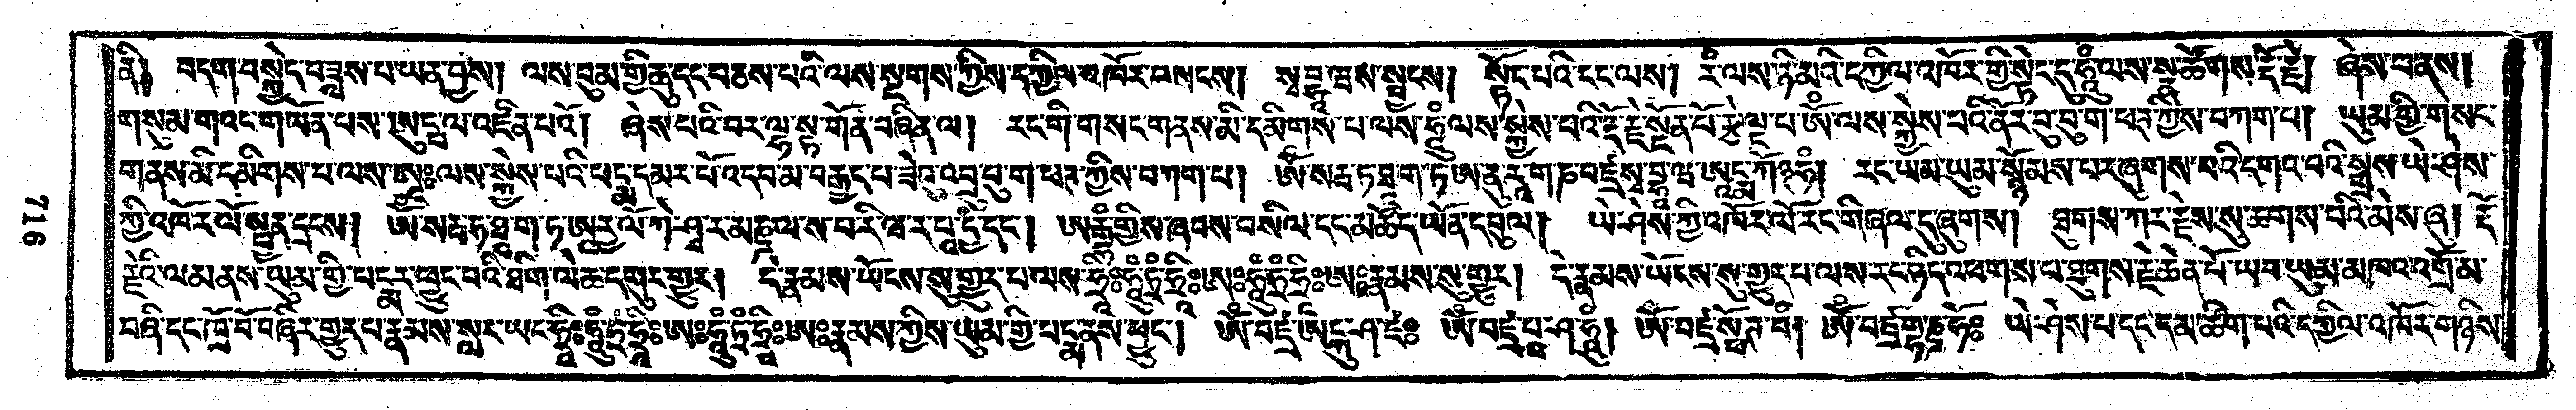ནི། བདག་བསྐྱེད་བཟླས་པ་ཡན་བྱས། ལས་བུམ་གྱི་ཆུ་དང་བཅས་པའི་ལས་སྔགས་ཀྱིས་དཀྱིལ་འཁོར་བསངས། སྭབྷཱ་ཝས་སྦྱངས། སྟོང་པའི་ངང་ལས། རཾ་ལས་ཉི་མའི་དཀྱིལ་འཁོར་གྱི་སྟེང་དུ་ཧཱུཾ་ལས་སྣ་ཚོགས་རྡོ་རྗེ། ཞེས་པ་ནས།
གསུམ་གའང་གཡོན་པས་ཨུཏྤ་ལ་འཛིན་པའོ། ཞེས་པའི་བར་ལྷ་སྟ་གོན་བཞིན་ལ། རང་གི་གསང་གནས་མི་དམིགས་པ་ལས་ཧཱུཾ་ལས་སྐྱེས་པའི་རྡོ་རྗེ་སྔོན་པོ་རྩེ་ལྔ་པ་ཨོཾ་ལས་སྐྱེས་པའི་ནོར་བུ་བུ་ག་ཕཊ་ཀྱིས་བཀག་པ། ཡུམ་གྱི་གསང་
གནས་མི་དམིགས་པ་ལས་ཨཱཿལས་སྐྱེས་པའི་པདམ་དམར་པོ་འདབ་མ་བརྒྱད་པ་ཟེའུ་འབྲུ་བུ་ག་ཕཊ་ཀྱིས་བཀག་པ། ཨོཾ་སརྦ་ཏ་ཐཱ་ག་ཏ་ཨ་ནུ་རཱ་ག་ཎ་བཛྲ་སྭ་བྷཱ་ཝ་ཨཱདམ་ཀོཉཧཾ། རང་ཡམ་ཡུམ་སྙོམས་པར་ཞུགས་བའི་དགའ་བའི་སྒྲས་ཡེ་ཤེས་
ཀྱི་འཁོར་ལོ་སྤྱན་དྲངས། ཨོཾ་སརྦ་ཏ་ཐཱ་ག་ཏ་ཨཱརྱ་ལོ་ཀེ་ཤྭ་ར་མཎྜལ་ས་བ་རི་ཝ་ར་པཱ་དྱཾ་དང་། ཨརྒྷཾ་གྱིས་ཞབས་བསིལ་དང་མཆོད་ཡོན་དབུལ། ཡེ་ཤེས་ཀྱི་འཁོར་ལོ་རང་གི་ཞལ་དུ་ཞུགས། ཐུགས་ཀར་རྗེས་སུ་ཆགས་བའི་མེས་ཞུ། རྡོ་
རྗེའི་ལམ་ནས་ཡུམ་གྱི་པདམར་ཕྱུང་བའི་ཐིག་ལེ་ཆ་དགུར་གྱུར། དེ་རྣམས་ཡོངས་སུ་གྱུར་པ་ལས་ཧྲཱིཿཧཱུཾ་ཏྲཾ་ཧྲཱིཿཨཿ ཧཱུཾ་ཧྲཾ་ཧྲིཿ ཨཿ རྣམས་སུ་གྱུར། དེ་རྣམས་ཡོངས་སུ་གྱུར་པ་ལས་རང་ཉིད་འཕགས་པ་ཐུགས་རྗེ་ཆེན་པོ་ཡབ་ཡུམ་མཁའ་འགྲོ་མ་
བཞི་དང་ཁྲོ་བོ་བཞིར་གྱུར་པ་རྣམས་སླར་ཡང་ཧྲཱིཿཧཱུཾ་ཧྲཾ་ཧྲཱིཿཨཿཧཱུཾ་ཏྲཾ་ཧྲཱིཿཨཿ རྣམས་ཀྱིས་ཡུམ་གྱི་པདམ་ནས་ཕྱུང་། ཨོཾ་བཛྲ་ཨངྐུ་ཤ་ཛཿ ཨོཾ་བཛྲ་པཱ་ཤ་ཧཱུཾ། ཨོཾ་བཛྲ་སྥོཊ་བཾ། ཨོཾ་བཛྲ་གྷཎྜ་ཧོཿ ཡེ་ཤེས་པ་དང་དམ་ཚིག་པའི་དཀྱིལ་འཁོར་གཉིས་